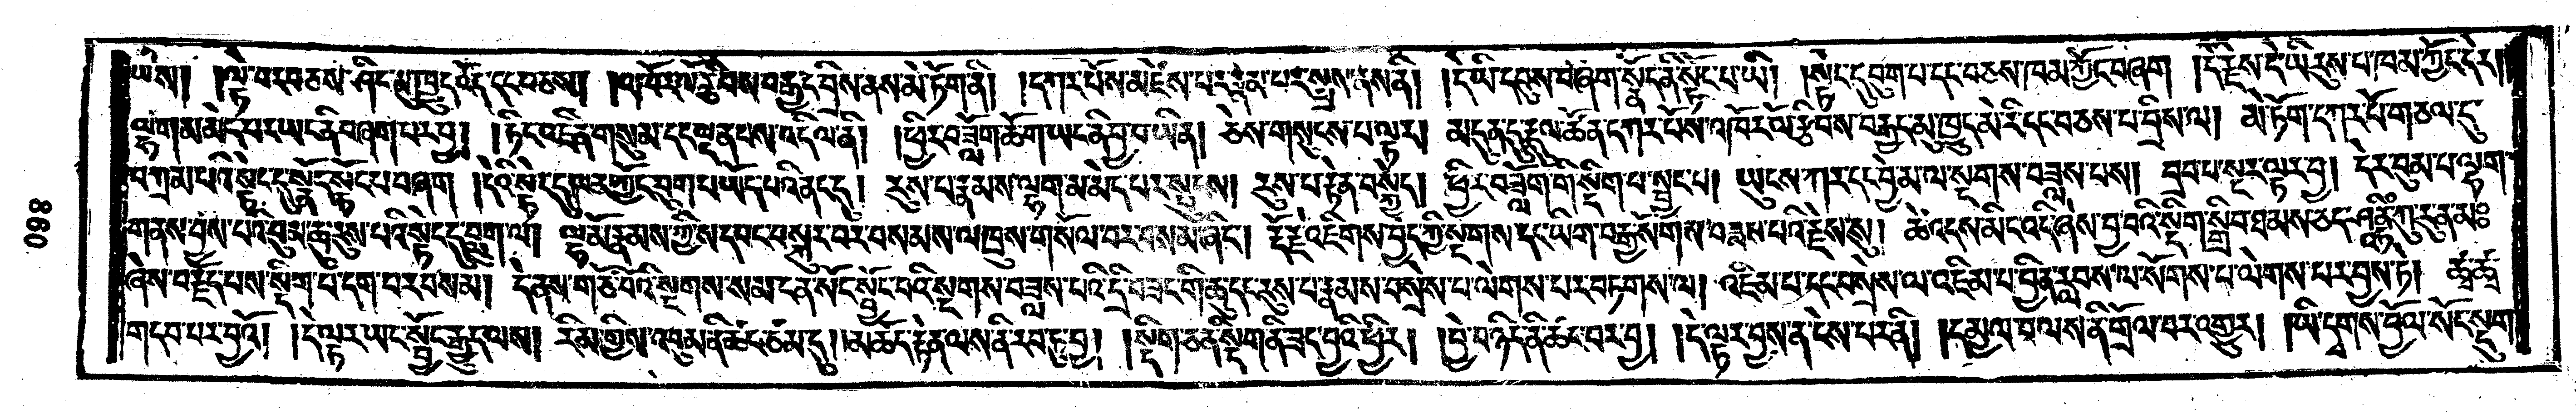ཡིས། །ལྟེ་བར་བཅས་ཤིང་མུ་ཁྱུད་འོད་དང་བཅས། །འཁོར་ལོ་རྩིབས་བརྒྱད་བྲིས་ནས་མེ་ཏོག་ནི། །དཀར་པོས་མཛེས་པར་རྣམ་པར་སྤྲས་ནས་ནི། །དེ་ཡི་དབུས་བཞག་སྣོད་ནི་སྟོང་པ་ཡི། །སྟེང་དུ་བུག་པ་དང་བཅས་ཁམ་ཀྱོང་བཞག །དེ་རྗེས་དེ་ཡི་རུས་པ་ཁམ་ཀྱོང་དེར།
ལྷག་མ་མེད་པར་ཡང་ནི་བཞག་པར་བྱ། །ཏིང་འཛིན་གསུམ་དང་ལྡན་པས་འདིལ་ནི། །ཕྱིར་བཟློག་ཆོ་ག་ཡང་ནི་བྱ་བ་ཡིན། ཅེས་གསུངས་པ་ལྟར། མདུན་དུ་རྡུལ་ཚོན་དཀར་པོས་འཁོར་ལོ་རྩིབས་བརྒྱད་མུ་ཁྱུད་མེ་རི་དང་བཅས་པ་བྲིས་ལ། མེ་ཏོག་དཀར་པོ་གཅལ་དུ་
བཀྲམ་པའི་སྟེང་དུ་སྣོད་སྟོང་པ་བཞག །དེའི་སྟེང་དུ་ཁམ་ཀྱོང་བུག་པ་ཡོད་པའི་ནང་དུ། རུས་པ་རྣམས་ལྷག་མ་མེད་པར་སྤུངས། རུས་པ་རྟེན་བསྐྱེད། ཕྱིར་བཟློག་གི་སྡིག་པ་སྦྱང་པ། ཡུངས་ཀར་དང་བྱེ་མ་ལ་སྔགས་བཟླས་པས། བྲབ་པ་སྔར་ལྟར་བྱ། དེར་བུམ་པ་ལྷག་
གནས་བྱས་པའི་བུམ་ཆུ་རུས་པའི་སྟེང་དུ་བླུག་ལ། ལྷ་མོ་རྣམས་ཀྱི་ས་དབང་བསྐུར་བར་བསམས་ལ་ཁྲུས་གསོལ་བར་བསམ་ཞིང་། རྡོ་རྗེ་འཇིགས་བྱེད་ཀྱི་སྔགས་དང་ཡིག་བརྒྱ་སོགས་བཟླས་པའི་རྗེས་སུ། ཚེ་འདས་མིང་འདི་ཞེས་བྱ་བའི་སྡིག་སྒྲིབ་ཐམས་ཅད་ཤཱནྟིཾ་ཀུ་རུ་ན་མཿ
ཞེས་བརྗོད་པས་སྡིག་པ་དག་བར་བསམ། དེ་ནས་གཙོ་བོའི་སྔགས་སམ་ངན་སོང་སྦྱོང་བའི་སྔགས་བཟླས་པའི་དྲི་བཟང་གི་ཆུ་དང་རུས་པ་རྣམས་བསྲེས་པ་ལེགས་པར་བཏགས་ལ། འཇིམ་པ་དང་བསྲེས་ལ་འཇིམ་པ་བྱིན་རླབས་ལ་སོགས་པ་ལེགས་པར་བྱས་ཏེ། ཚྭ་ཚྭ་
གདབ་པར་བྱའོ། །དེ་ལྟར་ཡང་སྦྱོང་རྒྱུད་ལས། རིམ་གྱིས་འབུམ་ནི་ཚང་ཙམ་དུ། །མཆོད་རྟེན་ལས་ནི་རབ་ཏུ་བྱ། །སྡིག་ཅན་སྡིག་ནི་ཟང་བྱའི་ཕྱིར། །བྱེ་བ་ཉིད་ནི་ཚང་བར་བྱ། །དེ་ལྟར་བྱས་ན་ངེས་པར་ནི། །དམྱལ་བ་ལས་ནི་གྲོལ་བར་འགྱུར། །ཡི་དྭགས་བྱོལ་སོང་སྡུག་